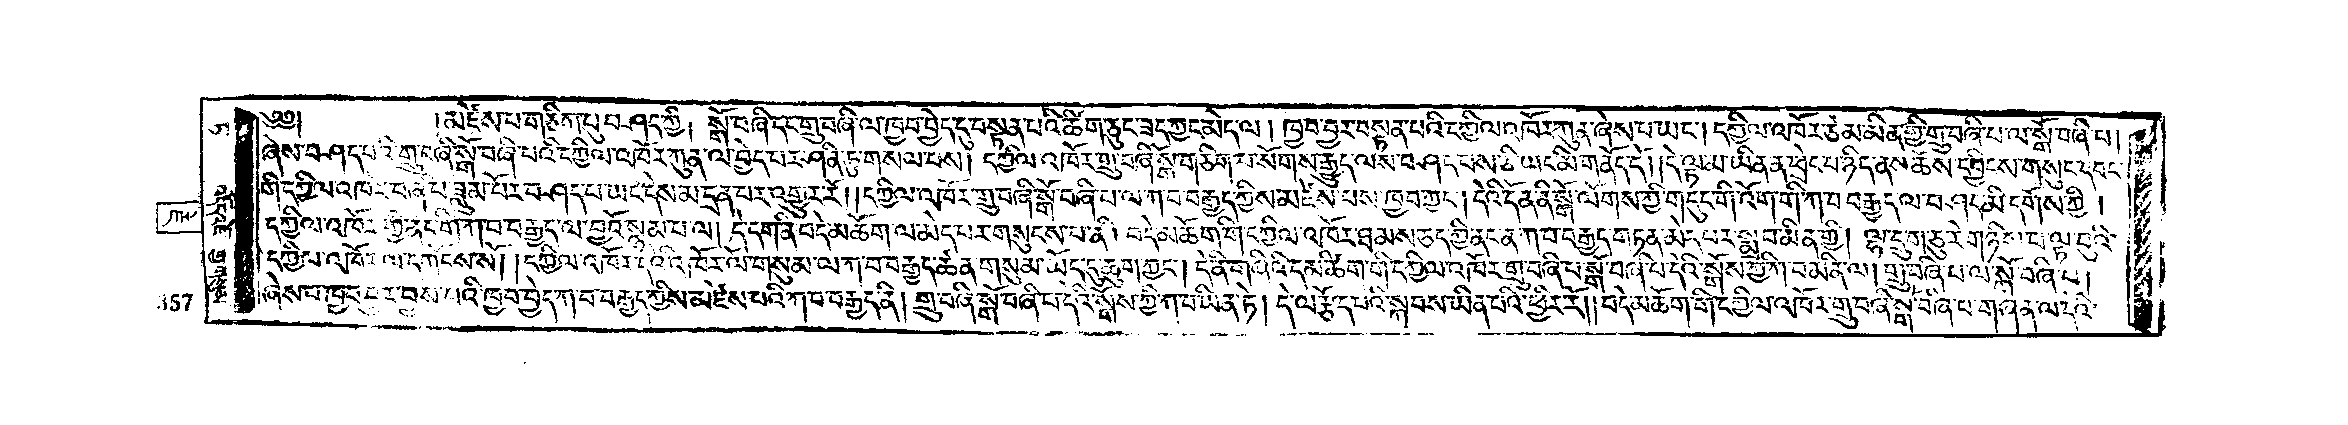༄༅། །མཛེས་པ་གཅིག་པུ་བཤད་ཀྱི། སྒོ་བཞི་དང་གྲུ་བཞི་ལ་ཁྱབ་བྱེད་དུ་བསྟན་པའི་ཚིག་ཅུང་ཟད་ཀྱང་མེད་ལ། ཁྱབ་བྱར་བསྟན་པའི་དཀྱིལ་འཁོར་ཀུན་ཞེས་པ་ཡང་། དཀྱིལ་འཁོར་ཙམ་མིན་གྱི་གྲུ་བཞི་པ་ལ་སྒོ་བཞི་པ།
ཞེས་བཤད་པའི་གྲུ་བཞི་སྒོ་བཞི་པའི་དཀྱིལ་འཁོར་ཀུན་ལ་བྱེད་པར་ཤིན་ཏུ་གསལ་བས། དཀྱིལ་འཁོར་གྲུ་བཞི་སྒོ་གཅིག་པ་སོགས་རྒྱུད་ལས་བཤད་པས་ཅི་ཡང་མི་གནོད་དོ། །དེ་ལྟ་མ་ཡིན་ན་ཕྲེང་བ་ཉིད་ནས་ཆོས་དབྱིངས་གསུང་དབང་
གི་དཀྱིལ་འཁོར་བཞི་པ་ཟླུམ་པོར་བཤད་པ་ཡང་དེས་མ་དྲན་པར་འགྱུར་རོ། །དཀྱིལ་འཁོར་གྲུ་བཞི་སྒོ་བཞི་པ་ལ་ཀ་བ་བརྒྱད་ཀྱིས་མཛེས་པས་ཁྱབ་ཀྱང་། དེའི་དོན་ནི་སྒོ་ལོགས་ཀྱི་གདུང་གི་འོག་གི་ཀ་བ་བརྒྱད་ལ་བཤད་མི་དགོས་ཀྱི།
དཀྱིལ་འཁོར་གྱི་ནང་གི་ཀ་བ་བརྒྱད་ལ་བྱའོ་སྙམ་པ་ལ། དེ་དག་ནི་བདེ་མཆོག་ལ་མེད་པར་གསུངས་པ་ནི། བདེ་མཆོག་གི་དཀྱིལ་འཁོར་ཐམས་ཅད་ཀྱི་ནང་ན་ཀ་བ་བརྒྱད་གཏན་མེད་པར་སྨྲ་བ་མིན་གྱི། ལྷ་དྲུག་ཅུ་རེ་གཉིས་པ་ལྟ་བུའི་
དཀྱིལ་འཁོར་ལ་དགོངས་སོ། །དཀྱིལ་འཁོར་དེའི་འཁོར་ལོ་གསུམ་ལ་ཀ་བ་བརྒྱད་ཚན་གསུམ་ཡོད་དུ་ཆུག་ཀྱང་། དེ་ནི་གཞིའི་དམ་ཚིག་གི་དཀྱིལ་འཁོར་གྲུ་བཞི་པ་སྒོ་བཞི་པ་དེའི་སྒོས་ཀྱི་ཀ་བ་མིན་ལ། གྲུ་བཞི་པ་ལ་སྒོ་བཞི་པ།
ཞེས་པ་ཁྱབ་བྱར་བྱས་པའི་ཁྱབ་བྱེད་ཀ་བ་བརྒྱད་ཀྱིས་མཛེས་པའི་ཀ་བ་བརྒྱད་ནི། གྲུ་བཞི་སྒོ་བཞི་པ་དེའི་སྒོས་ཀྱི་ཀ་བ་ཡིན་ཏེ། དེ་ལ་རྩོད་པའི་སྐབས་ཡིན་པའི་ཕྱིར་རོ། །བདེ་མཆོག་གི་དཀྱིལ་འཁོར་གྲུ་བཞི་སྒོ་བཞི་པ་གཞན་ལ་དེའི་